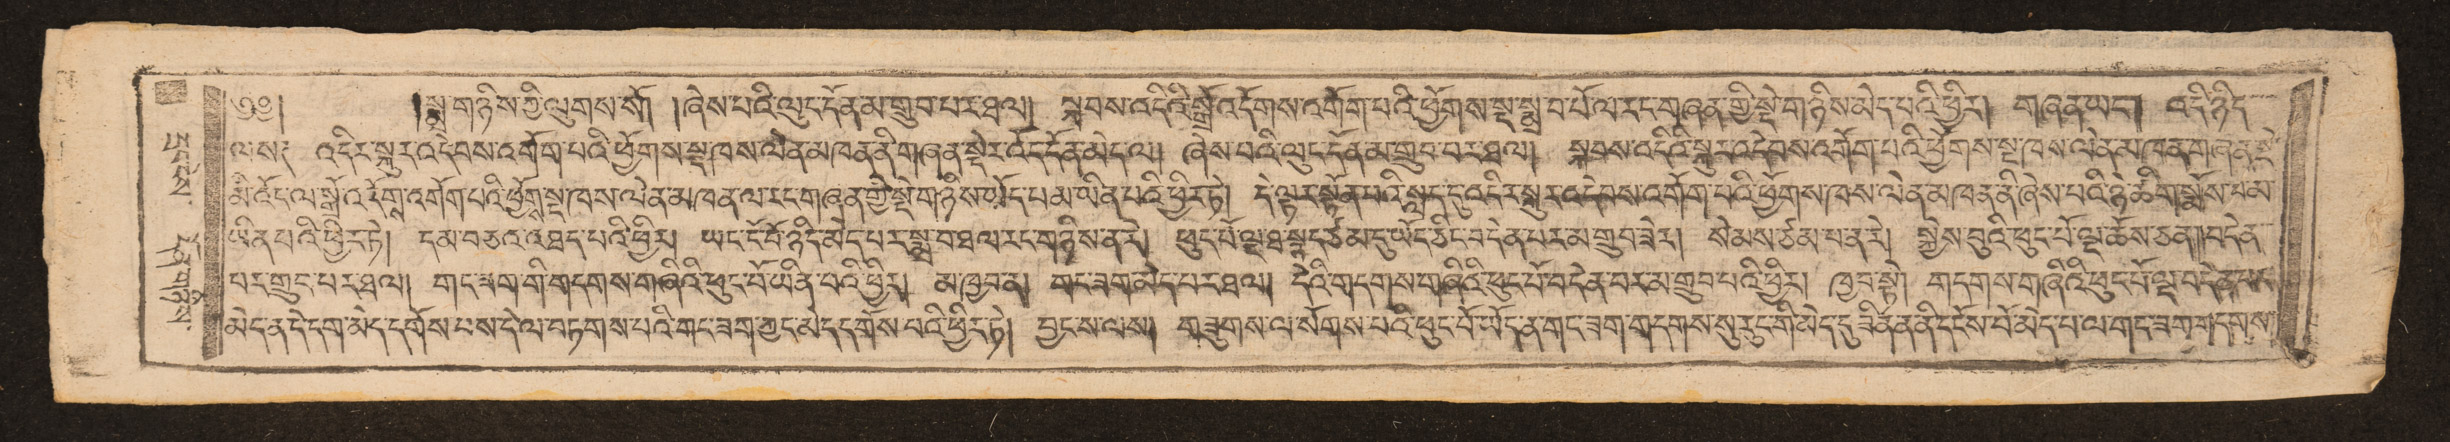༄༅། །སྨྲ་གཉིས་ཀྱི་ལུགས་སོ། །ཞེས་པའི་ལུང་དོན་མ་གྲུབ་པར་ཐལ། སྐབས་འདིའི་སྒྲོ་འདོགས་འགོག་པའི་ཕྱོགས་སྔ་སྨྲ་བ་པོ་ལ་རང་གཞན་གྱི་སྡེ་གཉིས་མེད་པའི་ཕྱིར། གཞན་ཡང་། འདི་ཉིད་
ལས༑ འདིར་སྐུར་འདེབས་འགོག་པའི་ཕྱོགས་སྔ་ཁས་ལེན་མཁན་ནི་གཞན་སྡེར་འོང་དོན་མེད་ལ། ཞེས་པའི་ལུང་དོན་མ་གྲུབ་པར་ཐལ། སྐབས་འདིའི་སྐུར་འདེབས་འགོག་པའི་ཕྱོགས་སྔ་ཁས་ལེན་མཁན་གཞན་སྡེ་
མི་འོང་ལ་སྒྲོ་འདོགས་འགོག་པའི་ཕྱོགས་སྔ་ཁས་ལེན་མཁན་ལ་རང་གཞན་གྱི་སྡེ་གཉིས་ཡོད་པ་མ་ཡིན་པའི་ཕྱིར་ཏེ། དེ་ལྟར་སྟོན་པའི་སླད་དུ་འདིར་སྐུར་འདེབས་འགོག་པའི་ཕྱོགས་ཁས་ལེན་མཁན་ནི་ཞེས་པའི་ཉེ་ཚིག་སྨོས་པ་མ་
ཡིན་པའི་ཕྱིར་ཏེ། དམ་བཅའ་འཐད་པའི་ཕྱིར། ཡང་ངོ་བོ་ཉིད་མེད་པར་སྨྲ་བ་ཐལ་རང་གཉིས་ན་རེ། ཕུང་པོ་ལྔ་ཐ་སྙད་ཙམ་དུ་ཡོད་ཅིང་བདེན་པར་མ་གྲུབ་ཟེར། སེམས་ཙམ་པ་ན་རེ། སྐྱེས་བུའི་ཕུང་པོ་ལྔ་ཆོས་ཅན། བདེན་
པར་གྲུབ་པར་ཐལ། གང་ཟག་གི་གདགས་གཞིའི་ཕུང་པོ་ཡིན་པའི་ཕྱིར། མ་ཁྱབ་ན། གང་ཟག་མེད་པར་ཐལ། དེའི་གདགས་གཞིའི་ཕུང་པོ་བདེན་པར་མ་གྲུབ་པའི་ཕྱིར། ཁྱབ་སྟེ། གདགས་གཞིའི་ཕུང་པོ་ལྔ་བདེན་པར་
མེད་ན་དེ་དག་མེད་དགོས་པས་དེ་ལ་བཏགས་པའི་གང་ཟག་ཀྱང་མེད་དགོས་པའི་ཕྱིར་ཏེ། བྱང་ས་ལས། གཟུགས་ལ་སོགས་པའི་ཕུང་པོ་ཡོད་ན་གང་ཟག་གདགས་སུ་རུང་གི་མེད་དུ་ཟིན་ན་ནི་དངོས་པོ་མེད་པ་ལ་གང་ཟག་གདགས་